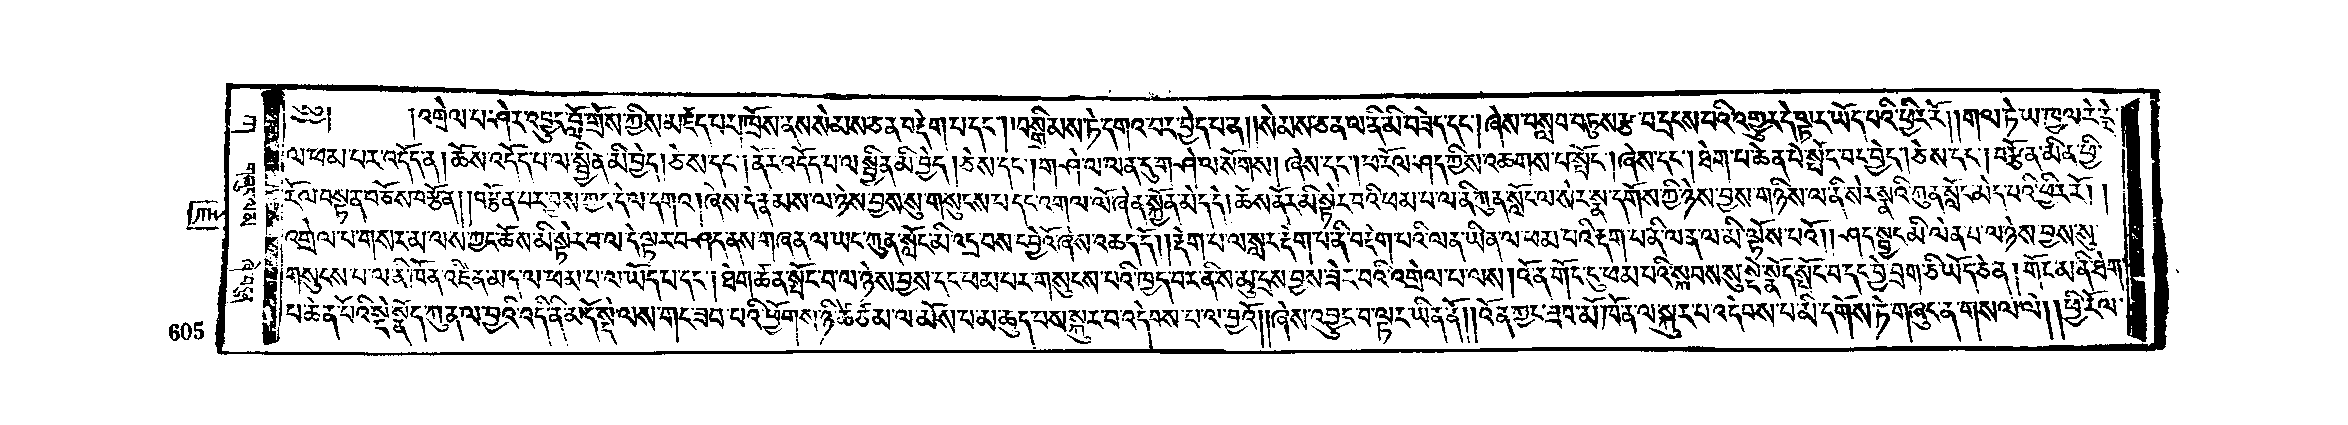༄༅། །འགྲེལ་པ་ཤེར་འབྱུང་བློ་གྲོས་ཀྱིས་མཛད་པར་ཁྲོས་ནས་སེམས་ཅན་བརྡེག་པ་དང་། །བསྒྲིམས་ཏེ་དགའ་བར་བྱེད་པ་ན། །སེམས་ཅན་ལ་ནི་མི་བཟེད་དང་། ཞེས་བསླབ་བཏུས་རྩ་བ་དྲངས་པའི་འགྱུར་དེ་ལྟར་ཡོད་པའི་ཕྱིར་རོ། །གལ་ཏེ་ཡ་ཁྱལ་རེ་རེར་
ལ་ཕམ་པར་འདོད་ན། ཆོས་འདོད་པ་ལ་སྦྱིན་མི་བྱེད། ཅེས་དང་། ནོར་འདོད་པ་ལ་སྦྱིན་མི་བྱེད། ཅེས་དང་། གཤེ་ལ་ལན་དུ་གཤེ་ལ་སོགས། ཞེས་དང་། ཕ་རོལ་ཤད་ཀྱིས་འཆགས་པ་སྤོང་། ཞེས་དང་། ཐེག་པ་ཆེན་པོ་སྤོང་བར་བྱེད། ཅེས་དང་། བརྩོན་མིན་ཕྱི་
རོལ་བསྟན་བཅོས་བརྩོན། །བརྩོན་པར་བྱས་ཀྱང་དེ་ལ་དགའ། ཞེས་དེ་རྣམས་ལ་ཉེས་བྱས་སུ་གསུངས་པ་དང་འགལ་ལོ་ཞེ་ན་སྐྱོན་མེད་དེ། ཆོས་ནོར་མི་སྟེར་བའི་ཕམ་པ་ལ་ནི་ཀུན་སློང་ལ་སེར་སྣ་དགོས་ཀྱི་ཉེས་བྱས་གཉིས་ལ་ནི་སེར་སྣའི་ཀུན་སློང་མེད་པའི་ཕྱིར་རོ། །
འགྲེལ་པ་གསར་མ་ལས་ཀྱང་ཆོས་མི་སྟེར་བ་ལ་དེ་ལྟར་བཤད་ནས་གཞན་ལ་ཡང་ཀུན་སློང་མི་འདྲ་བས་དབྱེའོ་ཞེས་འཆད་དོ། །རྡེག་པ་ལ་སླར་རྡེག་པ་ནི་བརྡེག་པའི་ལན་ཡིན་ལ་ཕམ་པའི་རྡག་པ་ནི་ལན་ལ་མི་ལྟོས་པའོ། །ཤད་སྦྱང་མི་ལེན་པ་ལ་ཉེས་བྱས་སུ་
གསུངས་པ་ལ་ནི་ཁོ་ན་འཛིན་མད་ལ་ཕམ་པ་ལ་ཡོད་པ་དང་། ཐེག་ཚན་སྤོང་བ་ལ་ཉེས་བྱས་དང་ཕམ་པར་གསུངས་པའི་ཁྱད་པར་ནི་ས་མུ་དྲས་བྱས་ཟེར་བའི་འགྲེལ་པ་ལས། འོ་ན་གོང་དུ་ཕམ་པའི་སྐབས་སུ་སྡེ་སྣོད་སྤོང་བ་དང་བྱེ་བྲག་ཅི་ཡོད་ཅེ་ན། གོང་མ་ནི་ཐེག་
པ་ཆེན་པོའི་སྡེ་སྣོད་ཀུན་ལ་བྱའི་འདི་ནི་མདོ་སྡེ་ལས་གང་ཟབ་པའི་ཕྱོགས་ཉི་ཚེ་ཙམ་ལ་མོས་པ་མ་ཆུད་པས་སྐུར་བ་འདེབས་པ་ལ་བྱའོ། །ཞེས་འབྱུང་བ་ལྟར་ཡིན་ནོ། །འོན་ཀྱང་ཟབ་མོ་ཁོ་ན་ལ་སྐུར་པ་འདེབས་པ་མི་དགོས་ཏེ་གཞུང་ན་གསལ་ལེ། །ཕྱི་རོལ་